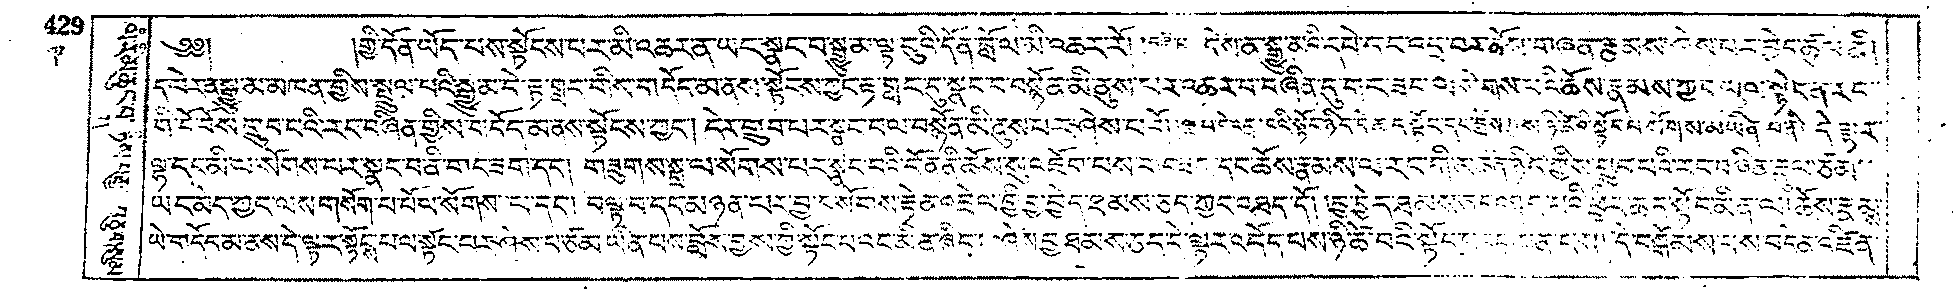༄༅། །གྱི་དོན་ཡོད་པས་སྟོངས་པར་མི་འཆར་ན་ཡང་སྣང་བ་སྒྱུ་མ་ལྟ་བུའི་དོན་བློ་ལ་མི་འཆར་རོ། །བཞི་པདེས་ན་སྒྱུ་མའི་དཔེ་དང་འདྲ་བར་ཆོས་གཞན་རྣམས་ཤེས་པར་བྱེད་ཚུལ་ནི།
དཔེར་ན་སྒྱུར་མ་མཁན་གྱིས་སྤྲུལ་པའི་སྒྱུ་མ་དེ་རྟ་གླང་གིས་གདོད་མ་ནས་སྟོངས་ཀྱང་རྟ་གླང་དུ་སྣང་བ་བསྙོན་མི་ནུས་པར་འཆར་བ་བཞིན་དུ་གང་ཟག་ལ་སོགས་པའི་ཆོས་རྣམས་ཀྱང་ཡུལ་སྟེང་ན་རང་
གི་ངོ་བོས་གྲུབ་པའི་རང་བཞིན་གྱིས་གདོད་མ་ནས་སྟོངས་ཀྱང་། དེར་གྲུབ་པར་སྣང་བ་ལ་བསྙོན་མི་ནུས་པར་ཤེས་པའོ། །ལྔ་པ་དེ་འདྲ་བའི་སྟོང་ཉིད་དེ་ཆད་སྟོང་དང་ཟློས་བྱས་ཉི་ཚེའི་སྟོང་པ་སོགས་མ་ཡིན་བ་ནི།  དེ་ལྟར་
ལྷ་དང་མི་ལ་སོགས་པར་སྣང་བར་ནི་གང་ཟག་དང་། གཟུགས་སྒྲ་ལ་སོགས་པར་སྣང་བའི་དོན་ནི་ཆོས་སུ་འཇོག་པས་གང་ཟག་དང་ཆོས་རྣམས་ལ་རང་གི་མཚན་ཉིད་ཀྱིས་གྲུབ་པའི་རང་བཞིན་རྡུལ་ཙམ་
ཡང་མེད་ཀྱང་ལས་གསོག་པ་པོ་ལ་སོགས་པ་དང་། བལྟ་བ་དང་མཉན་པར་བྱ་བ་སོགས་རྟེན་འབྲེལ་གྱི་བྱ་བྱེད་ཐམས་ཅད་ཀྱང་འཐད་དོ། །བྱ་བྱེད་ཐམས་ཅད་འཐད་པའི་ཕྱིར་ཆད་སྟོང་མིན་ལ། ཆོས་རྣམས་
ཡེ་གདོད་མ་ནས་དེ་ལྟར་སྟོང་པ་ལ་སྟོང་པར་ཤེས་པ་ཙམ་ཡིན་པས་བློས་བྱས་ཀྱི་སྟོང་པའང་མིན་ཞིང་། ཤེས་བྱ་ཐམས་ཅད་དེ་ལྟར་འདོད་པས་ཉི་ཚེ་བའི་སྟོང་པའང་མིན་པས། དེ་བསྒོམས་པས་བདེན་འཛིན་